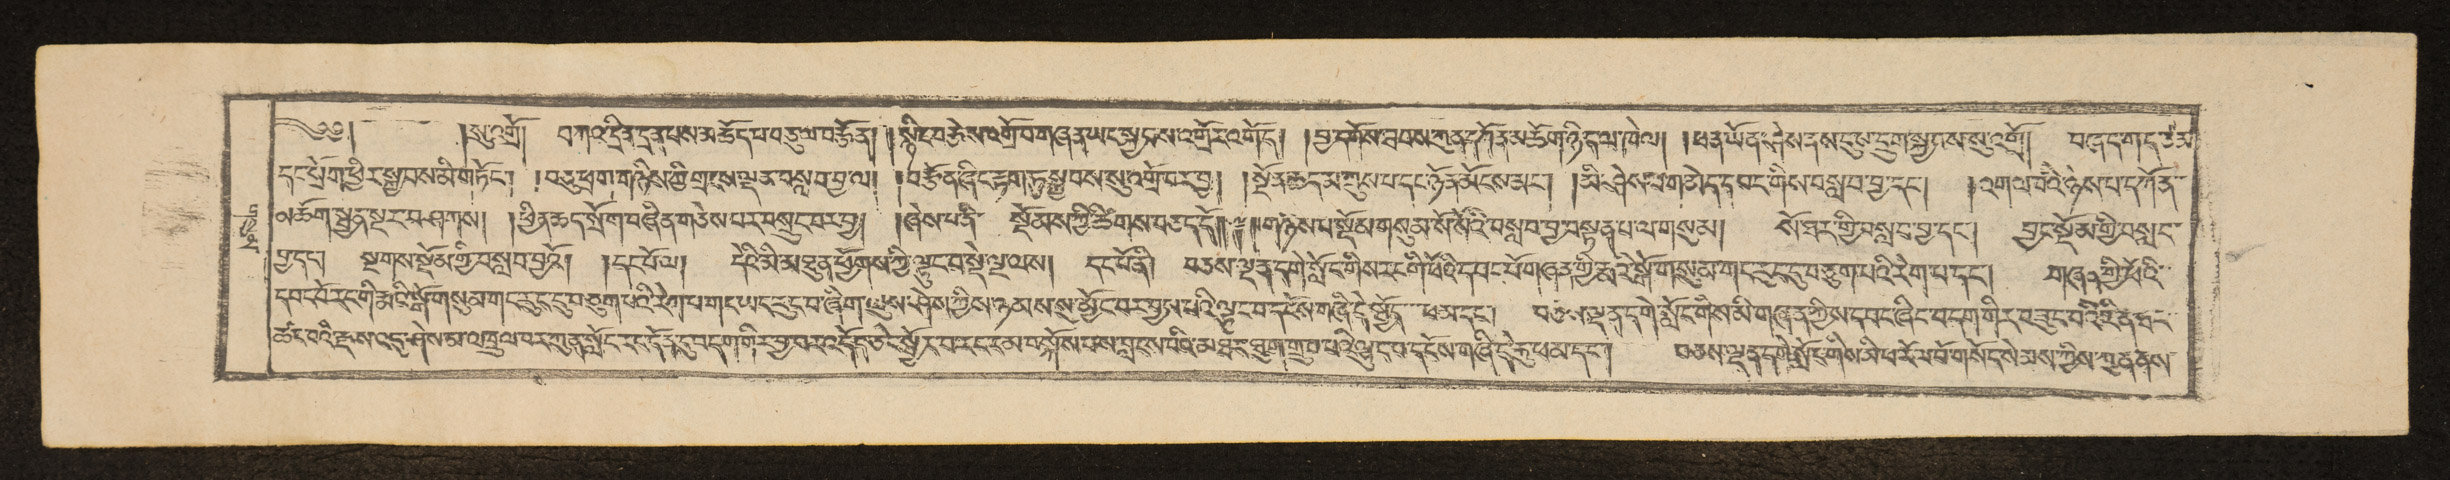༄༅། །སུ་འགྲོ། བཀའ་དྲིན་དྲན་པས་མཆོད་པ་བཅུ་ལ་བརྩོན། །སྙིང་བརྩེས་འགྲོ་བ་གཞན་ཡང་སྐྱབས་འགྲོར་འགོད། །བྱ་དགོས་ཐབས་ཀུན་དཀོན་མཆོག་ཉིད་ལ་ཁེལ། །ཕན་ཡོན་ཤེས་ནས་དུས་དྲུག་སྐྱབས་སུ་འགྲོ། བཞད་གད་ཙམ་
དང་སྲོག་ཕྱིར་སྐྱབས་མི་གཏོང་། །བཅུ་ཕྲག་གཉིས་ཀྱི་གྲངས་ལྡན་བསླབ་བྱ་ལ། །བརྩོན་ཞིང་རྟག་ཏུ་སྐྱབས་སུ་འགྲེ་བར་བྱ། །སྔོན་ཆད་མ་གུས་པ་དང་ཉོན་མོངས་མང་། །མི་ཤེས་བག་མེད་དབང་གིས་བསླབ་བྱ་དང་། །འགལ་བའི་ཉེས་པ་དཀོན་
མཆོག་སྤྱན་སྔར་བཤགས། །ཕྱིན་ཆད་སྲོག་བཞིན་གཅེས་པར་བསྲུང་བར་བྱ། །ཞེས་པ་ནི། སྔོམས་ཀྱི་ཚིགས་བཅད་དོ།། ༈ །གཉིས་པ་སྔོམ་གསུམ་སོ་སོའི་བསླབ་བྱ་བསྟན་པ་ལ་གསུམ། སོ་ཐར་གྱི་བསླབ་བྱ་དང་། བྱང་སྡོམ་གྱི་བསླབ་
བྱ་དང་། སྔགས་སྡོམ་གྱི་བསླབ་བྱའོ། །དང་པོ་ལ། དེའི་མི་མཐུན་ཕྱོགས་ཀྱི་ལྟུང་བ་སྡེ་ལྔ་ལས། དང་པོ་ནི། བཅས་ལྡན་དགེ་སློང་གིས་རང་གི་ཕོའི་དབང་པོ་གཞན་གྱི་རྨའི་སྒོ་གསུམ་གང་རུང་དུ་བཅུག་པའི་རེག་པ་དང་། གཞན་གྱི་ཕོའི་
དབང་པོ་རང་གི་རྨའི་སྒོ་གསུམ་གང་རུང་དུ་བཅུག་པའི་རེག་པ་གང་ཡང་རུང་བ་ཞིག་ལུས་ཤེས་ཀྱིས་ཉམས་སུ་མྱོང་བར་བྱས་པའི་ལྟུང་བ་དངོས་གཞི་དེ་སྤྱོད་ཕམ་དང་། བཅས་ལྡན་དགེ་སློང་གིས་མི་གཞན་གྱིས་དབང་ཞིང་བདག་གིར་བཟུང་བའི་རིན་ཐང་
ཚང་བའི་རྫས་འདུ་ཤེས་མ་འཁྲུལ་བར་ཀུན་སློང་རང་དོན་དུ་བདག་གིར་བྱ་བར་འདོད་ཅིང་སྦྱོར་བ་རང་ངམ་བསྐོས་པས་བླངས་པའི་མཐར་ཐུག་གྲུབ་པའི་ལྷུང་བ་དངོས་གཞི་དེ་རྐུ་ཕམ་དང་། བཅས་ལྡན་དགེ་སློང་གིས་མི་ཕ་རོལ་བོ་གསོད་སེམས་ཀྱིས་ཀུན་ནས་